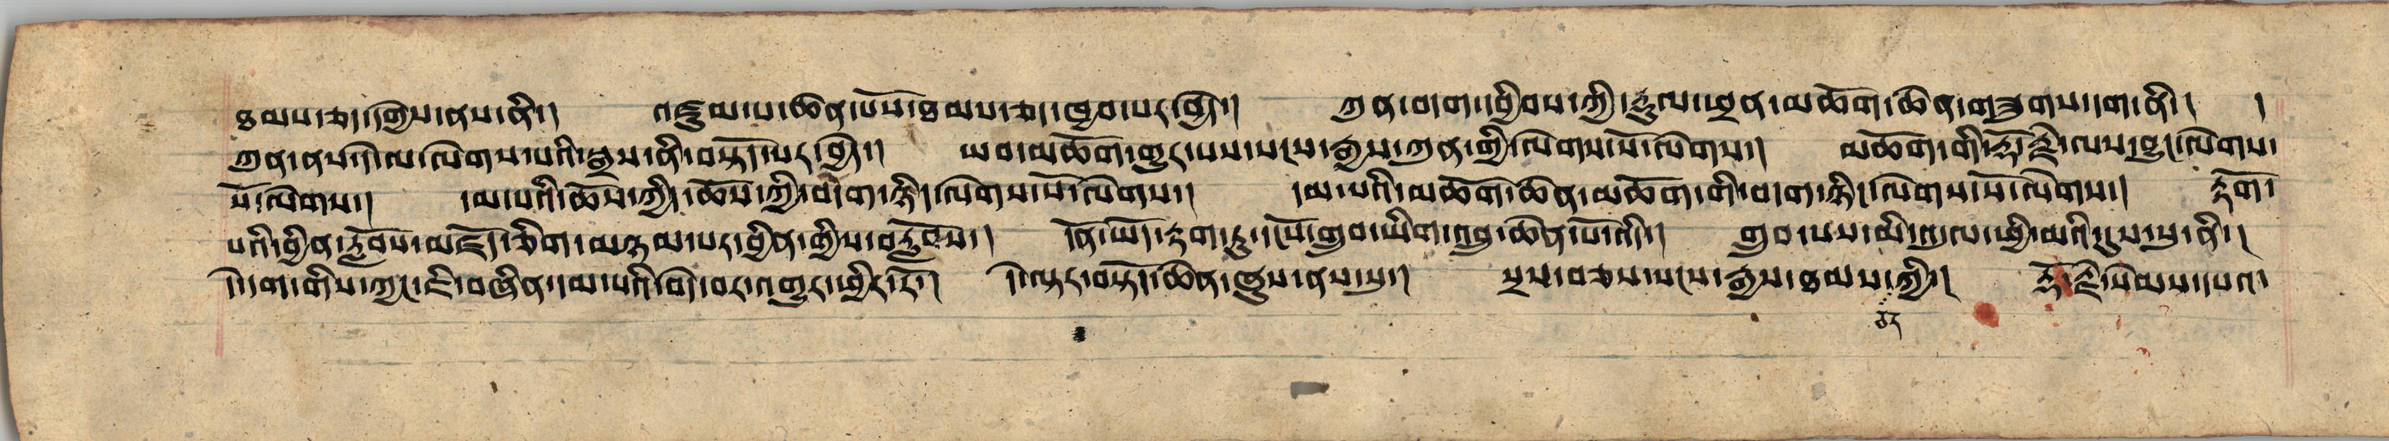ཐམས་ཅད་དགྱེས་ནས་ནི་། འཛུམ་པ་ཆེན་པོས་ཐམས་ཅད་ཁྱབ་པར་བྱེད་། ཀུན་བདག་དབྱིབས་ཀྱི་རྡུལ་ཕྲན་མཆོག་ཆེན་གཟུགས་དག་ནི་། །
ཀུན་ནས་དེ་ལ་ལེགས་པའི་སྒྲས་ནི་བསྟོད་པར་བྱེད་། ཡབ་མཆོག་གྱུར་པས་སངས་རྒྱས་ཀུན་གྱི་ལེགས་སོ་ལེགས་། མཆོག་གི་རྡོ་རྗེ་ལས་བྱུང་ལེགས་
སོ་ལེགས་། དམ་པའི་ཆོས་ཀྱིད་ཆོས་ཀྱི་བདག་ཉིད་ལེགས་སོ་ལེགས་། དམ་པའི་མཆོག་ཆེན་མཆོག་གི་བདག་ཉིད་ལེགས་སོ་ལེགས་། རྟོག་
པའི་བྱིན་རློབས་མཛོད་ཅིག་མཉམ་པར་བྱིན་གྱིས་བརློབས་། དོན་ཡོད་རྟག་ཏུ་དངོས་གྲུབ་ཡིག་འབྲུ་ཆེན་པོ་འདི་། གྲུབ་པས་མི་འདུལ་ཕྱི་མའི་དུས་སུ་ནི་།
དེ་དག་གིས་ཀྱང་ཇི་བཞིན་དམ་པའི་བདེ་བར་འགྱུར་ཕྱིར་རོ་། དེ་ལྟར་བསྟོད་ཆེན་ཞུས་ནས་སུ་། སྲས་བཅས་སངས་རྒྱས་ཐམས་ཀྱི་། རྡོ་རྗེ་སེམས་དཔའ་